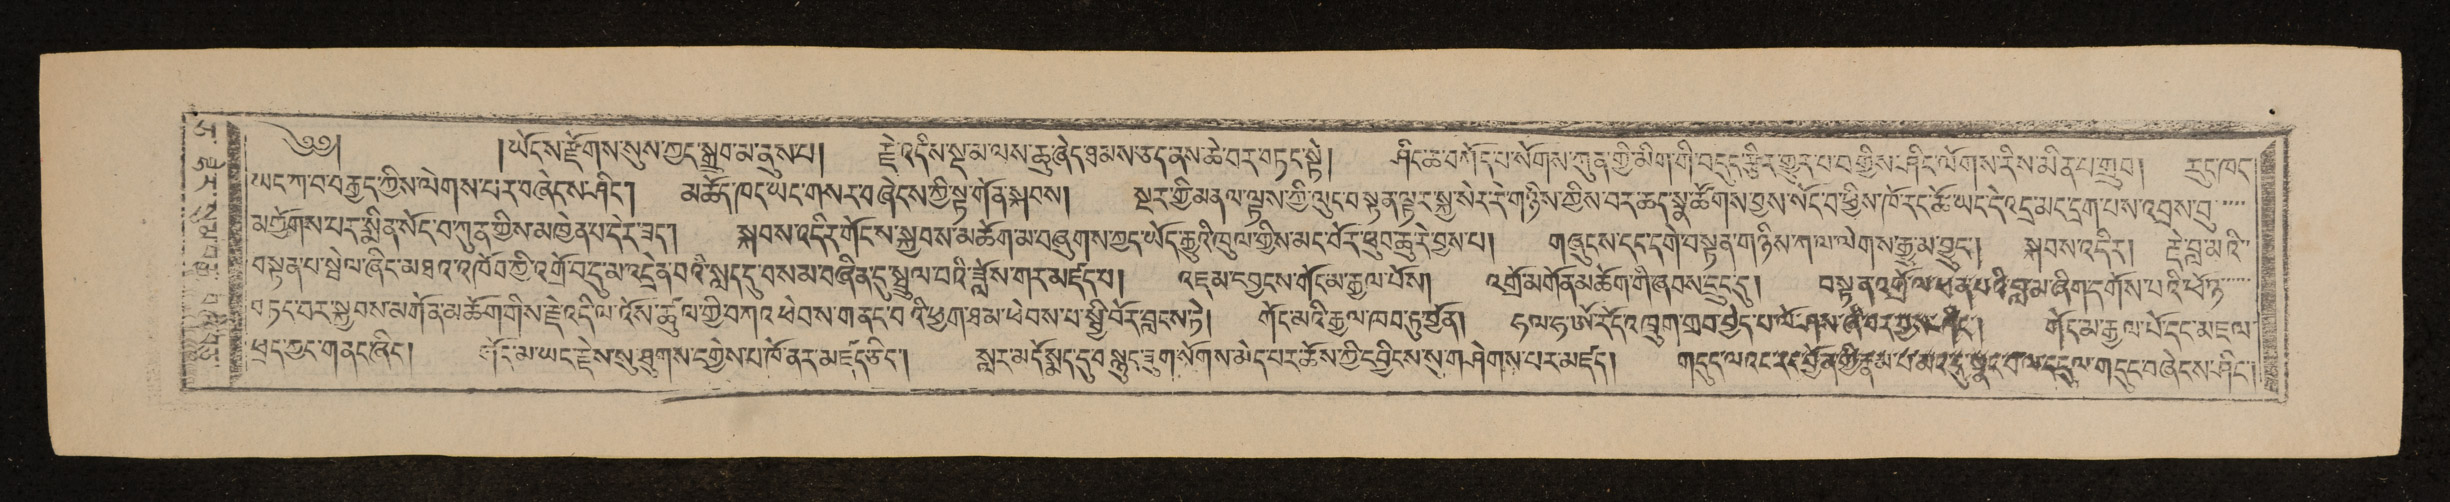༄༅། །ཡོངས་རྫོགས་སུས་ཀྱང་སྒྲུབ་མ་ནུས་པ། རྗེ་འདིས་སྔ་མ་ལས་ཆུ་ཞེང་ཐམས་ཅད་ནས་ཆེ་བར་བཏང་སྟེ། ཤིང་ཆ་བཀོད་པ་སོགས་ཀུན་གྱི་མིག་གི་བདུད་རྩིར་གྱུར་བ་བགྱིས་ཤིང་ལོགས་རིས་མིན་པ་གྲུབ། རུང་ཁང་
ཡང་ཀ་བ་བརྒྱད་ཀྱིས་ལེགས་བར་བཞེངས་ཤིང་། མཆོད་ཁང་ཡང་གསར་བཞེངས་ཀྱི་སྟ་གོན་སྐབས། སྔར་གྱི་མནལ་ལྟས་ཀྱི་ལུང་བསྟན་ལྟར་སྐྱ་སེར་རེ་གཉིས་ཀྱིས་བར་ཆད་སྣ་ཚོགས་བྱས་སོང་བ་ཕྱིས་ཁོ་རང་ཚོ་ཡང་དེ་འདྲ་མང་དྲག་པས་འབྲས་བུ་
མགྱོགས་པར་སྨིན་སོང་བ་ཀུན་གྱིས་མཁྱེན་པ་དེར་ཟད། སྐབས་འདིར་གོང་ས་སྐྱབས་མཆོག་མ་བཞུགས་ཀྱང་ཡོད་རྒྱུའི་ཁུལ་གྱིས་མང་པོར་ཕུབ་ཆུ་རེ་བྱས་པ། གཞུངས་དང་དགེ་བསྟན་གཉིས་ཀ་ལ་ལེགས་རྒྱུ་མ་བྱུང་། སྐབས་འདིར། རྗེ་བླ་མའི་
བསྟན་པ་སྤེལ་ཞིང་མཐའ་འཁོབ་ཀྱི་འགྲོ་བ་དུ་མ་འདྲེན་པའི་སླད་དུ་བསམ་བཞིན་དུ་སྤྲུལ་པའི་ཟློས་གར་མཛད་པ། འཇམ་དབྱངས་གོང་མ་རྒྱལ་བོས། འགྲོ་མགོན་མཆོག་གི་ཞབས་དྲུང་དུ། བསྟན་འགྲོ་ལ་ཕན་པའི་བླ་མ་ཞིག་དགོས་པའི་ཕོ་ཉ་
བཏང་བར་སྐྱབས་མགོན་མཆོག་གིས་རྗེ་འདི་ལ་འོས་ཚུལ་གྱི་བཀའ་ཕེབས་གནང་བའི་ཕྱག་ཐམ་ཕེབས་པ་སྤྱི་བོར་བླངས་ཏེ། གོང་མའི་རྒྱལ་ཁབ་ཏུ་བྱོན། ཧལ་ཧ་ཨོ་རོད་འཁྲུག་གྲབ་བྱེད་བ་ལོ་ཤས་ཞི་བར་བྱས་ཤིང་། གོང་མ་རྒྱལ་པོ་དང་མཇལ་
ཕྲད་ཀྱང་གནང་ཞིང་། གོང་མ་ཡང་རྗེས་སུ་ཐུགས་དགྱེས་པ་ཁོ་ནར་མཛད་ཅིང་། སླར་མདོ་སྨད་དུ་བསྙུང་ཟུག་སོགས་མེད་པར་ཆོས་ཀྱི་དབྱིངས་སུ་གཤེགས་པར་མཛད། གདུང་ལའང་རང་བྱོན་གྱི་རྣམ་པ་མང་དུ་སྣང་བ་ལ་དངུལ་གདུང་བཞེངས་ཤིང་།